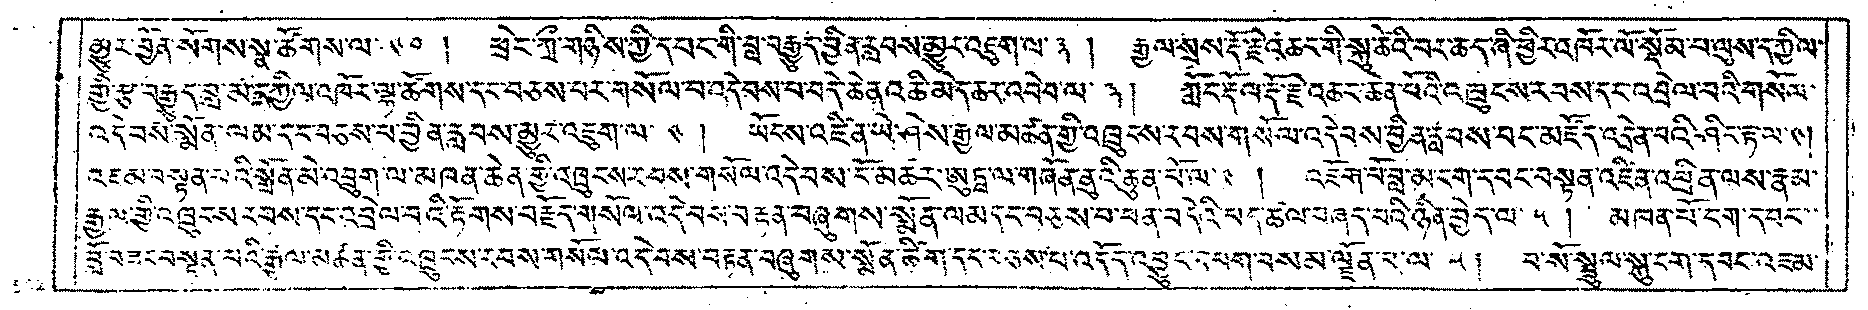མྱུར་བྱོན་སོགས་སྣ་ཚོགས་ལ ༤༠། ཕྲེང་ཀྲྀ་གཉིས་ཀྱི་དབང་གི་བླ་བརྒྱུད་བྱིན་རླབས་མྱུར་འཇུག་ལ ༣། རྒྱལ་སྲས་རྡོ་རྗེ་འཆང་གི་སྐུ་ཚེའི་བར་ཆད་ཞི་ཕྱིར་འཁོར་ལོ་སྡོམ་པ་ལུས་དཀྱིལ་
གྱི་རྩ་བརྒྱུད་བླ་མ་དཀྱིལ་འཁོར་ལྷ་ཚོགས་དང་བཅས་པར་གསོལ་བ་འདེབས་པ་བདེ་ཆེན་འཆི་མེད་ཆར་འབེབ་ལ ༣། ཀློང་རྡོལ་རྡོ་རྗེ་འཆང་ཆེན་པོའི་འཁྲུངས་རབས་དང་འབྲེལ་བའི་གསོལ་
འདེབས་སྨོན་ལམ་དང་བཅས་པ་བྱིན་རླབས་མྱུར་འཇུག་ལ ༤། ཡོངས་འཛིན་ཡེ་ཤེས་རྒྱལ་མཚན་གྱི་འཁྲུངས་རབས་གསོལ་འདེབས་བྱིན་རླབས་བང་མཛོད་འདྲེན་པའི་ཤིང་རྟ་ལ ༤།
འཇམ་བསྟན་པའི་སྒྲོན་མེ་འབྲུག་ལ་མཁན་ཆེན་གྱི་འཁྲུངས་རབས་གསོལ་འདེབས་ངོ་མཚར་ཨུཏྤ་ལ་གཞོན་ནུའི་ཆུན་པོ་ལ ༤། འཇོག་པོ་བླ་མ་ངག་དབང་བསྟན་འཛིན་འཕྲིན་ལས་རྣམ་
རྒྱལ་གྱི་འཁྲུངས་རབས་དང་འབྲེལ་བའི་རྟོགས་བརྗོད་གསོལ་འདེབས་བརྟན་བཞུགས་སྨོན་ལམ་དང་བཅས་པ་ཕན་བདེའི་པད་ཚལ་བཞད་པའི་ཉིན་བྱེད་ལ ༥། མཁན་པོ་ངག་དབང་
བློ་བཟང་བསྟན་པའི་རྒྱལ་མཚན་གྱི་འཁྲུངས་རབས་གསོལ་འདེབས་བརྟན་བཞུགས་སྨོན་ཚིག་དང་བཅས་པ་འདོད་འབྱུང་དཔག་བསམ་ལྗོན་པ་ལ ༥། བ་སོ་སྤྲུལ་སྐུ་ངག་དབང་འཇམ་